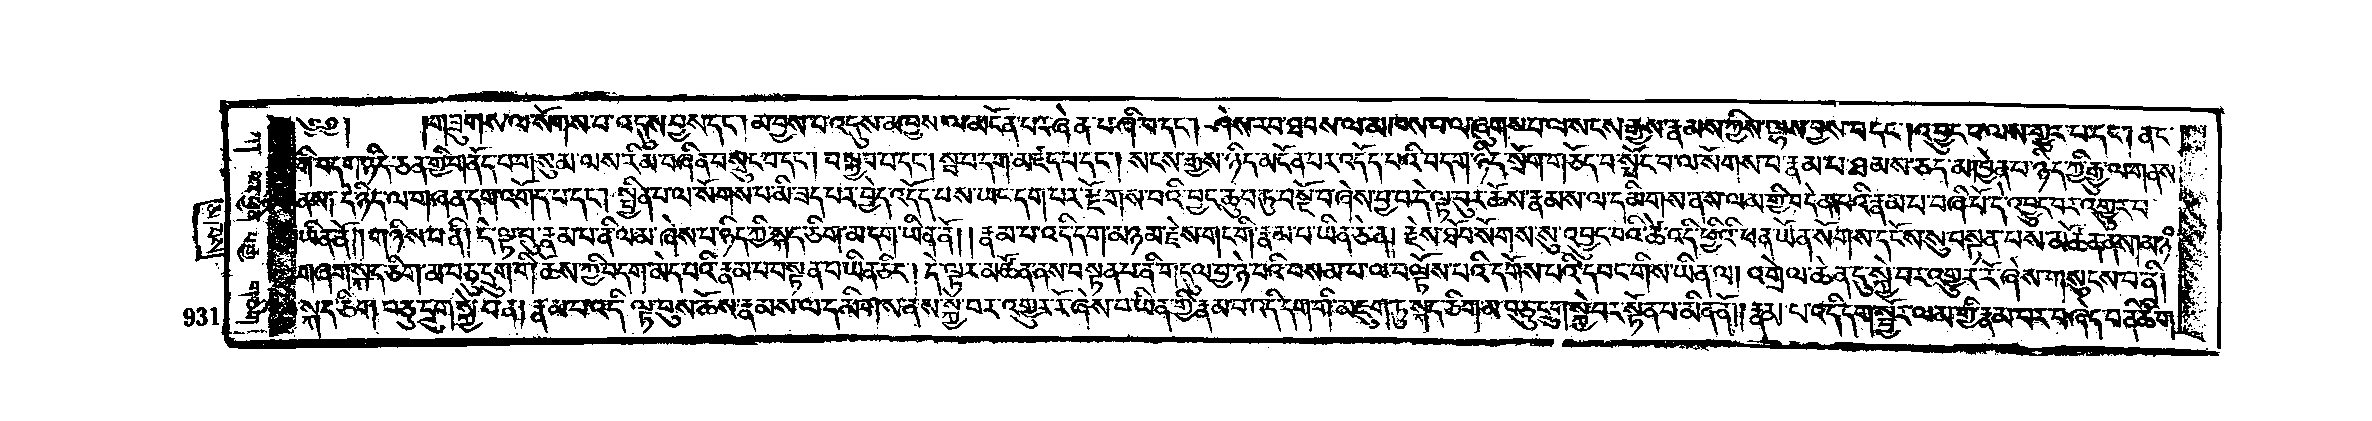༄༅། །གཟུགས་ལ་སོགས་པ་འདུས་བྱས་དང་། མ་བྱས་པ་འདུས་མ་བྱས་ལ་མངོན་པར་ཞེན་པ་ཞི་བ་དང་། ཤེས་རབ་ཐབས་ལ་མཁས་པ་ལ་ཞུགས་པ་ལ་སངས་རྒྱས་རྣམས་ཀྱིས་ལྷས་བྱས་བ་དང་། འབྱུང་བ་ལས་གྱུར་པ་དང་། ནང་
གི་བདག་ཉིད་ཅན་གྱི་གནོད་པ་གསུམ་ལས་རིམ་བཞིན་བསྲུང་བ་དང་། བསྐྱབ་པ་དང་། སྦ་བ་དག་མཛད་པ་དང་། སངས་རྒྱས་ཉིད་མངོན་པར་འདོད་པའི་བདག་ཉིད་སྲོག་གཅོད་པ་སྤོང་བ་ལ་སོགས་པ་རྣམ་པ་ཐམས་ཅད་མཁྱེན་པ་ཉིད་ཀྱི་རྒྱུ་ལ་གནས་
ནས༑ དེ་ཉིད་ལ་གཞན་དག་འགོད་པ་དང་། སྦྱིན་པ་ལ་སོགས་པ་མི་ཟད་པར་བྱེད་འདོད་པས་ཡང་དག་པར་རྫོགས་པའི་བྱང་ཆུབ་ཏུ་བསྔོ་བ་ཞེས་བྱ་བ་དེ་ལྟ་བུར་ཆོས་རྣམས་ལ་དམིགས་ནས་ལམ་གྱི་བདེན་པའི་རྣམ་པ་བཞི་པོ་དེ་འབྱུང་བར་འགྱུར་བ་
ཡིན་ནོ། །གཉིས་པ་ནི། དེ་ལྟ་བུ་རྣམ་པ་ནི་ལམ་ཞེས་པ་ཉིད་ཀྱི་སྐད་ཅིག་མ་དག་ཡིན་ནོ། །རྣམ་པ་འདི་དག་མཉམ་རྗེས་གང་གི་རྣམ་པ་ཡིན་ཅེ་ན། རྗེས་ཐོབ་སོགས་སུ་འབྱུང་བའི་ཚེ་འདི་ཕྱིའི་ཕན་ཡོན་སོགས་དངོས་སུ་བསྟན་པས་མཚོན་ནས། མཉམ་
གཞག་སྐད་ཅིག་མ་བཅུ་དྲུག་གི་ཆོས་ཀྱི་བདག་མེད་པའི་རྣམ་པ་བསྟན་པ་ཡིན་ཅིང་། དེ་ལྟར་མཚོན་ནས་བསྟན་པ་ནི་གདུལ་བྱ་ཉེ་བའི་བསམ་པ་ལ་བལྟོས་པའི་དགོས་པའི་དབང་གིས་ཡིན་ལ། འགྲེལ་ཆེན་དུ་སྐྱེ་བར་འགྱུར་རོ་ཞེས་གསུངས་པ་ནི།
སྐད་ཅིག་བཅུ་དྲུག་སྐྱེ་བ་ན། རྣམ་པ་འདི་ལྟ་བུས་ཆོས་རྣམས་ལ་དམིགས་ནས་སྐྱེ་བར་འགྱུར་རོ་ཞེས་པ་ཡིན་གྱི་རྣམ་པ་འདི་དག་གི་མཇུག་ཏུ་སྐད་ཅིག་མ་བཅུ་དྲུག་སྐྱེ་བར་སྟོན་པ་མིན་ནོ། །རྣམ་པ་འདི་དག་སྦྱོར་ལམ་གྱི་རྣམ་པར་བཞེད་པ་ནི་ཚིག་